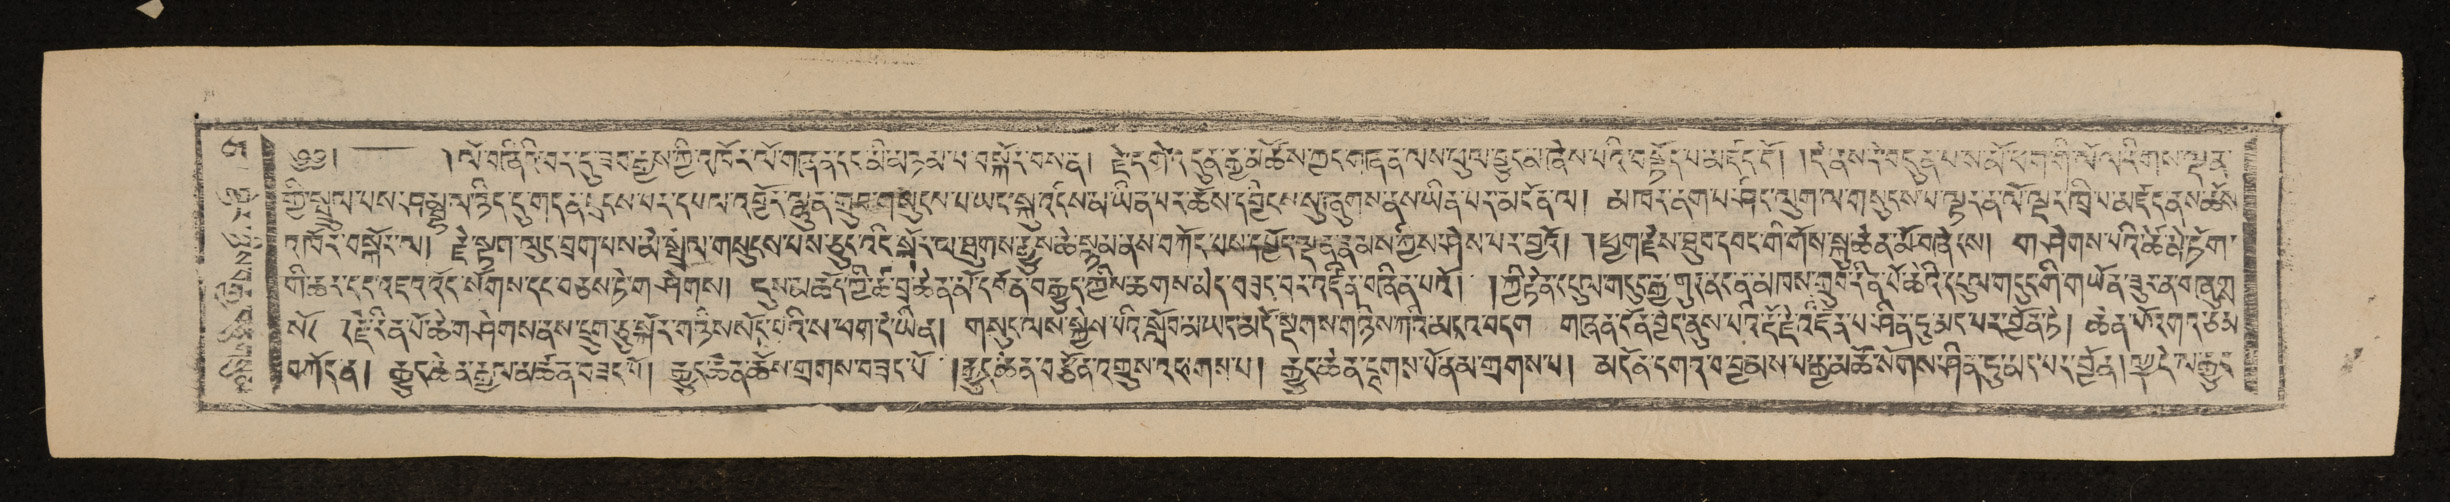༄༅། །ལོ་བཞིའི་བར་དུ་ཟབ་རྒྱས་ཀྱི་འཁོར་ལོ་གཞན་དང་མི་མཉམ་པ་བསྐོར་བས་ན། རྗེ་དགེ་འདུན་རྒྱ་མཚོས་ཀྱང་གཞན་ལས་ཕུལ་བྱུང་མ་ཞེས་པའི་བསྟོད་པ་མཛད་དོ། །དེ་ནས་རེ་བདུན་པས་མོ་ཕག་གི་ལོ་ལ་རིགས་ལྡན་
གྱི་སྤྲུལ་པས་ཤམྦྷ་ལ་ཉིད་དུ་གདན་དྲངས་པར་དཔལ་འབྱོར་ལྷུན་གྲུབ་གསུངས་པ་ཡང་སྐུ་འདིས་མ་ཡིན་པར་ཆོས་དབྱིངས་སུ་ཞུགས་ནས་ཡིན་པར་མངོན་ལ། མཁོར་ནག་པ་ཤིང་ལུག་ལ་གསུངས་པ་ལྟར་ན་ལོ་ལྔར་ཁྲི་པ་མཛད་ནས་ཆོས་
འཁོར་བསྐོར་ལ། རྗེ་སྟག་ལུང་བྲག་པས་མེ་སྤྲེལ་གསུངས་པས་ཅུང་འདི་སྐོར་ལ་ཐུགས་རྒྱུས་ཆེ་སྙམ་ནས་བཀོད་པས་དཔྱོད་ལྡན་རྣམས་ཀྱིས་ཤེས་པར་བྱའོ། །ཕྱག་རྗེས་ཐུབ་དབར་གི་གོས་སྐུ་ཆེན་མོ་བཞེངས། གཤེགས་པའི་ཚེ་མེ་ཏོག་
གི་ཆར་དང་འཇའ་འོད་སོགས་དང་བཅས་ཏེ་གཤེགས། དུས་མཆོད་ཀྱི་ཚ་བྲ་ཆེན་མོ་དཔོན་བརྒྱུད་ཀྱིས་ཆགས་མེད་བཟང་པར་འཛིན་བཞིན་པའོ། །སྤྱི?་རྟེན་དངུལ་གདུང་རྒྱ་གུར་ནང་ནམ་མཁས་གྲུབ་རིན་པོ་ཆེའི་དབུལ་གདུད་གི་གཡོན་ཟུར་ན་བཞུགས་
སོ༑ ༑རྗེ་རིན་པོ་ཆེ་གཤེགས་ནས་དྲུག་ཅུ་སྐོར་གཉིས་སོང་པའི་ས་ཕག་དེ་ཡིན། གསུང་ལས་སྐྱེས་པའི་སློབ་མ་ཡང་མདོ་སྔགས་གཉིས་ཀའི་མདའ་བདག །གཞན་དོན་བྱེད་ནུས་པའི་རྡོ་རྗེ་འཛིན་པ་ཤིན་ཏུ་མང་པར་བྱོན་ཏེ། ཆེན་པོ་འགའ་ཙམ་
བཀོད་ན། རྒྱུད་ཆེན་རྒྱལ་མཚན་བཟང་པོ། རྒྱུད་ཆེན་ཆོས་གྲགས་བཟང་པོ། རྒྱུད་ཆེན་བརྩོན་འགྲུས་འཕགས་པ། རྒྱུད་ཆེན་དྭགས་བོ་ནམ་གྲགས་པ། མངོན་དགའ་བ་བྱམས་པ་རྒྱ་མཚོ་སོགས་ཤིན་ཏུ་མང་པར་བྱོན། ༈ དེ་ལ་རྒྱུད་